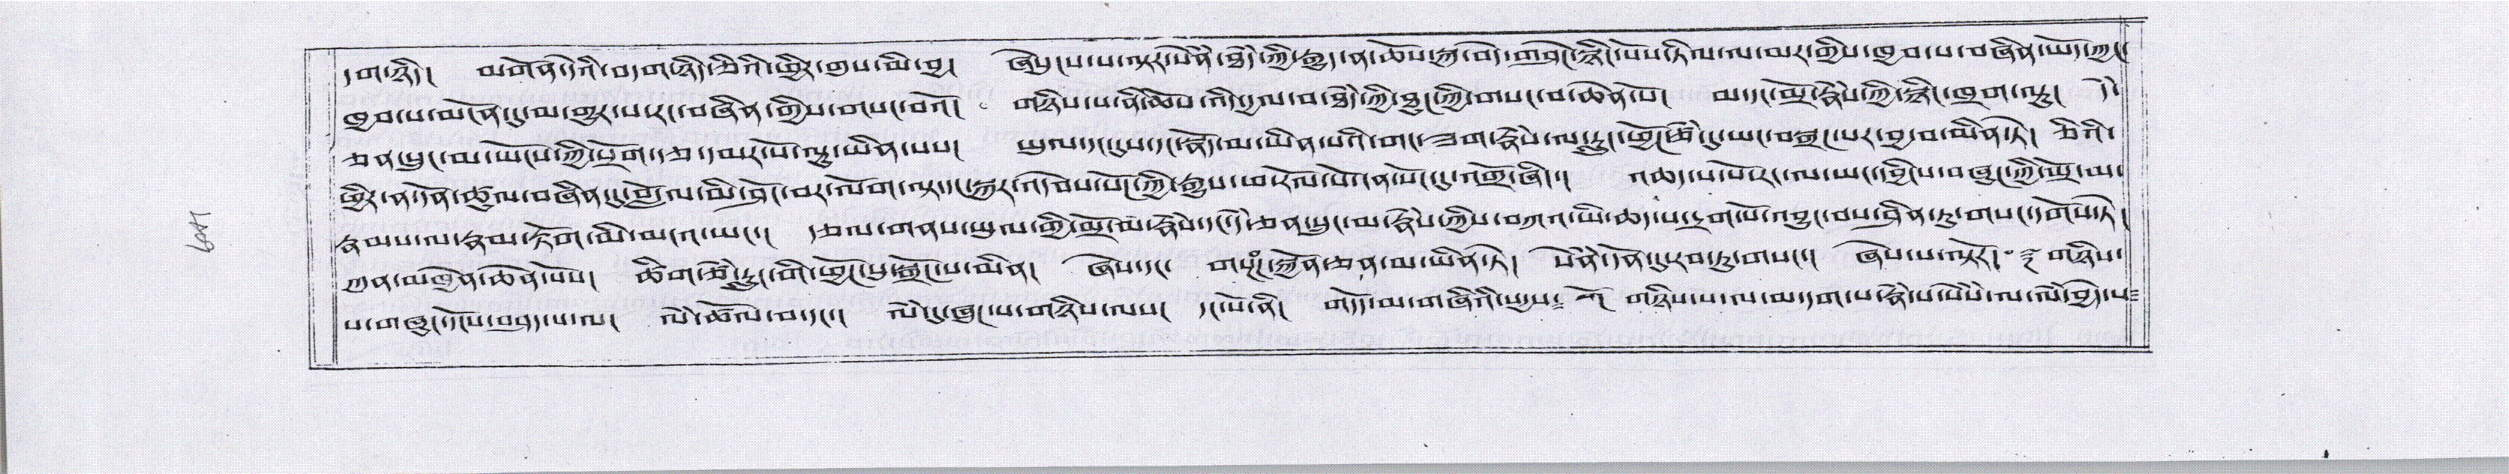དག་ཉིད། མགོན་དེའི་བདག་ཉིད་ཅི་ཕྱིར་གུས་མི་བྱ། ཞེས་གསུངས་པ་ལྟར། སེམས་ཅན་ཐམས་ཅད་ཀྱི་རྒྱུད་ན་ཆོས་སྐུ་བདེར་གཤེགས་སྙིང་པོ་ཏིལ་ལ་མར་གྱིས་ཁྱབ་པ་བཞིན་ཡོད་ཀྱང་
ཁྱབ་པ་མངོན་དུ་མ་གྱུར་པ་རང་བཞིན་གྱིས་གསང་བའོ། ༧ གཉིས་པ་ནི། ཆོས་འདི་རྒྱལ་བ་ཐམས་ཅད་ཀྱི་ཐུགས་ཀྱི་གསང་བ་ཆེན་པོ། མ་དང་མཁའ་འགྲོ་རྣམས་ཀྱི་སྙིང་ཁྲག་ལྟ་བུ། དམ་
ཅན་སྲུང་མ་ཡོིངས་ཀྱི་སྲོག་རྩ་དམར་པོ་ལྟ་བུ་ཡིན་པས། ཡུལ་དང་དུས་དང་སྣོད་མ་ཡིན་པའི་གང་ཟག་རྣམས་ལ་རླུང་ཕྱོགས་ཙམ་ཡང་བསྒྲགས་པར་བྱ་བ་མིན་ཏེ། ཅིའི་
ཕྱིར་ན། དོན་ཚུལ་བཞིན་དུ་བློ་ལ་མི་ཤོང་བར་ལོག་ལྟ་དང་སྐུར་འདེབས་སོགས་ཀྱི་རྒྱུས་ཕ་རོལ་པོ་ངན་སོང་དུ་འགྲོ་ཞིང་། འཆད་པ་པོ་རང་ལའང་དབྱིངས་བཞུགས་ཀྱི་མཁའ་འགྲོ་མ་
རྣམས་ལ་རྣམ་རྟོག་མི་མངའ་ཡང་། རྩལ་གནས་ཡུལ་གྱི་མཁའ་འགྲོ་མ་རྣམས་དང་དམ་ཅན་སྲུང་མ་རྣམས་ཀྱིས་བཀའ་ཡི་ཆད་པ་དྲག་པོ་འབྱུང་བས་ཤིན་ཏུ་གསང་དགོས་ཏེ། 
ཀུན་མཁྱེན་ཆེན་པོས། ཚིག་ཙམ་རླུང་གི་ཕྱོགས་སུ་སྒྲོགས་པ་མིན། ཞེས་དང་། གསང་སྔགས་སྐྱོན་ཅན་མ་ཡིན་ཏེ། སེམས་ཅན་དོན་དུ་རབ་ཏུ་གསང་། ཞེས་པ་ལྟར་རོ།། ༧ གཉིས་
པ་གཞུང་དངོས་བཤད་པ་ལ། ལམ་ཚོལ་བ་དང་། ལམ་དུ་ཞུགས་པ་གཉིས་ལས། དང་པོ་ནི། གདོད་མ་གཞིའི་སངས་རྒྱས་སོ། གཉིས་པ་ལ། མ་དག་པ་རྣམ་པ་སེམས་ལ་ལམ་མི་བྱེད་པ་